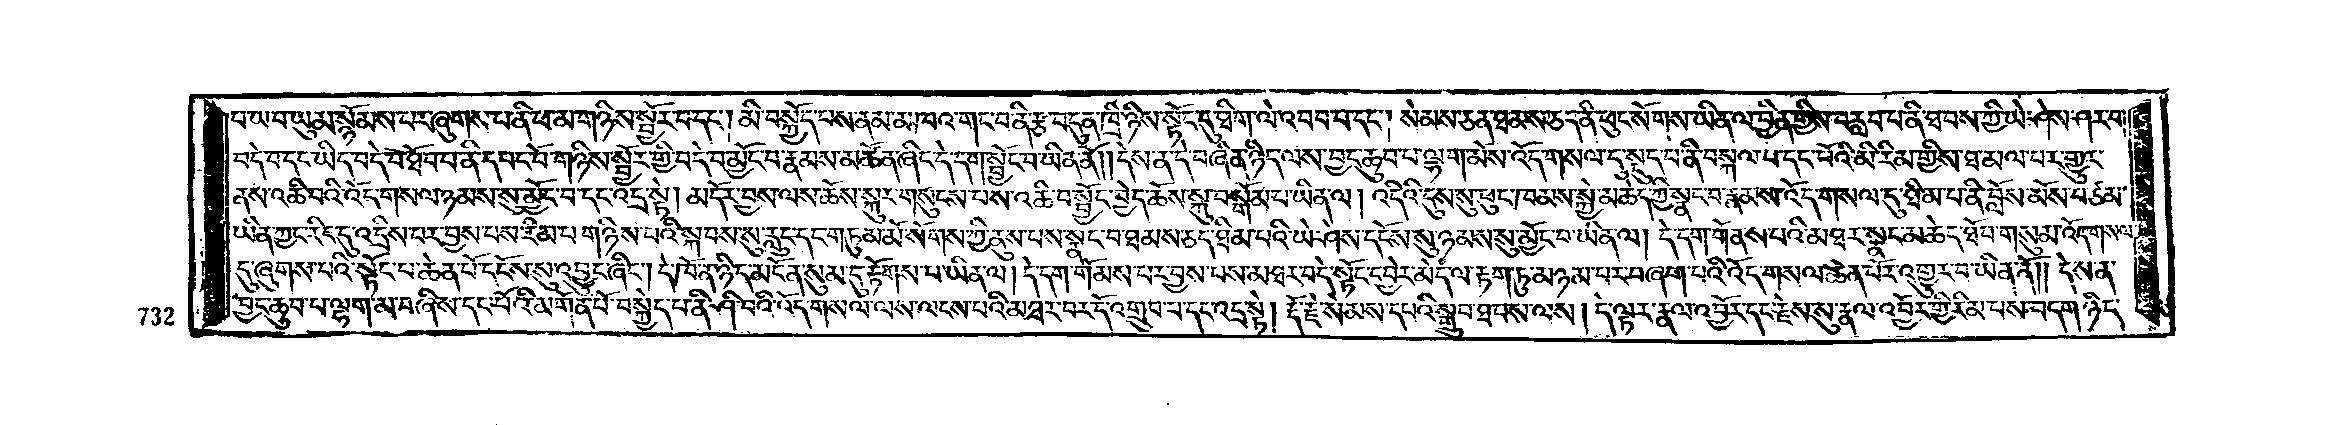པ་ཡབ་ཡུམ་སྙོམས་པར་ཞུགས་པ་ནི་ཕ་མ་གཉིས་སྦྱོར་བ་དང་། མི་བསྐྱོད་པས་ནམ་མཁའ་གང་བ་ནི་རྩ་བདུན་ཁྲི་ཉིས་སྟོང་དུ་ཐིག་ལེ་འབབ་པ་དང་། སེམས་ཅན་ཐམས་ཅད་ནི་ཕུང་སོགས་ཡིན་ལ་བྱིན་གྱིས་བརླབ་པ་ནི་ཐབས་ཀྱི་ཡེ་ཤེས་ཤར་བ།
བདེ་བ་དང་ཡིད་བདེ་བ་ཐོབ་པ་ནི་དབང་པོ་གཉིས་སྦྱོར་གྱི་བདེ་བ་མྱོང་བ་རྣམས་མཚོན་ཞིང་དེ་དག་སྦྱོང་བ་ཡིན་ནོ། །དེས་ན་དེ་བཞིན་ཉིད་ལས་བྱང་ཆུབ་པ་ལྷག་མོས་འོད་གསལ་དུ་སྡུད་པ་ནི་བསྐལ་བ་དང་པོའི་མི་རིམ་གྱིས་ཐ་མལ་པར་གྱུར་
ནས་འཆི་བའི་འོད་གསལ་ཉམས་སུ་མྱོང་བ་དང་འདྲ་སྟེ། མདོར་བྱས་ལས་ཆོས་སྐུར་གསུངས་པས་འཆི་བ་སྦྱོང་བྱེད་ཆོས་སྐུ་བསྒོམ་པ་ཡིན་ལ། འདིའི་དུས་སུ་ཕུང་ཁམས་སྐྱེ་མཆེད་ཀྱི་སྣང་བ་རྣམས་འོད་གསལ་དུ་ཐིམ་པ་ནི་བློས་མོས་པ་ཙམ་
ཡིན་ཀྱང་རིང་དུ་འདྲིས་པར་བྱས་པས་རིམ་པ་གཉིས་པའི་སྐབས་སུ་རླུང་དང་གཏུམ་མོ་སོགས་ཀྱི་ནུས་པས་སྣང་བ་ཐམས་ཅད་ཐིམ་པའི་ཡེ་ཤེས་དངོས་སུ་ཉམས་སུ་མྱོང་བ་ཡིན་ལ། དེ་དག་གོམས་པའི་མཐར་སྣང་མཆེད་ཐོབ་གསུམ་འོད་གསལ་
དུ་ཞུགས་པའི་སྟོང་པ་ཆེན་པོ་དངོས་སུ་འབྱུང་ཞིང་། དེ་ཁོ་ན་ཉིད་མངོན་སུམ་དུ་རྟོགས་པ་ཡིན་ལ། དེ་དག་གོམས་པར་བྱས་པས་མཐར་བདེ་སྟོང་དབྱེར་མེད་ལ་རྟག་ཏུ་མཉམ་པར་བཞག་པའི་འོད་གསལ་ཆེན་པོར་འགྱུར་བ་ཡིན་ནོ། །དེས་ན་
བྱང་ཆུབ་པ་ལྷག་མ་བཞིས་དང་པོའི་མགོན་པོ་བསྐྱེད་པ་ནི་ཤི་ལྦའི་འོད་གསལ་ལས་ལངས་པའི་མཐར་བར་དོ་འགྲུབ་པ་དང་འདྲ་སྟེ། རྡོ་རྗེ་སེམས་དཔའི་སྒྲུབ་ཐབས་ལས། དེ་ལྟར་རྣལ་འབྱོར་དང་རྗེས་སུ་རྣལ་འབྱོར་གྱི་རིམ་པས་བདག་ཉིད་